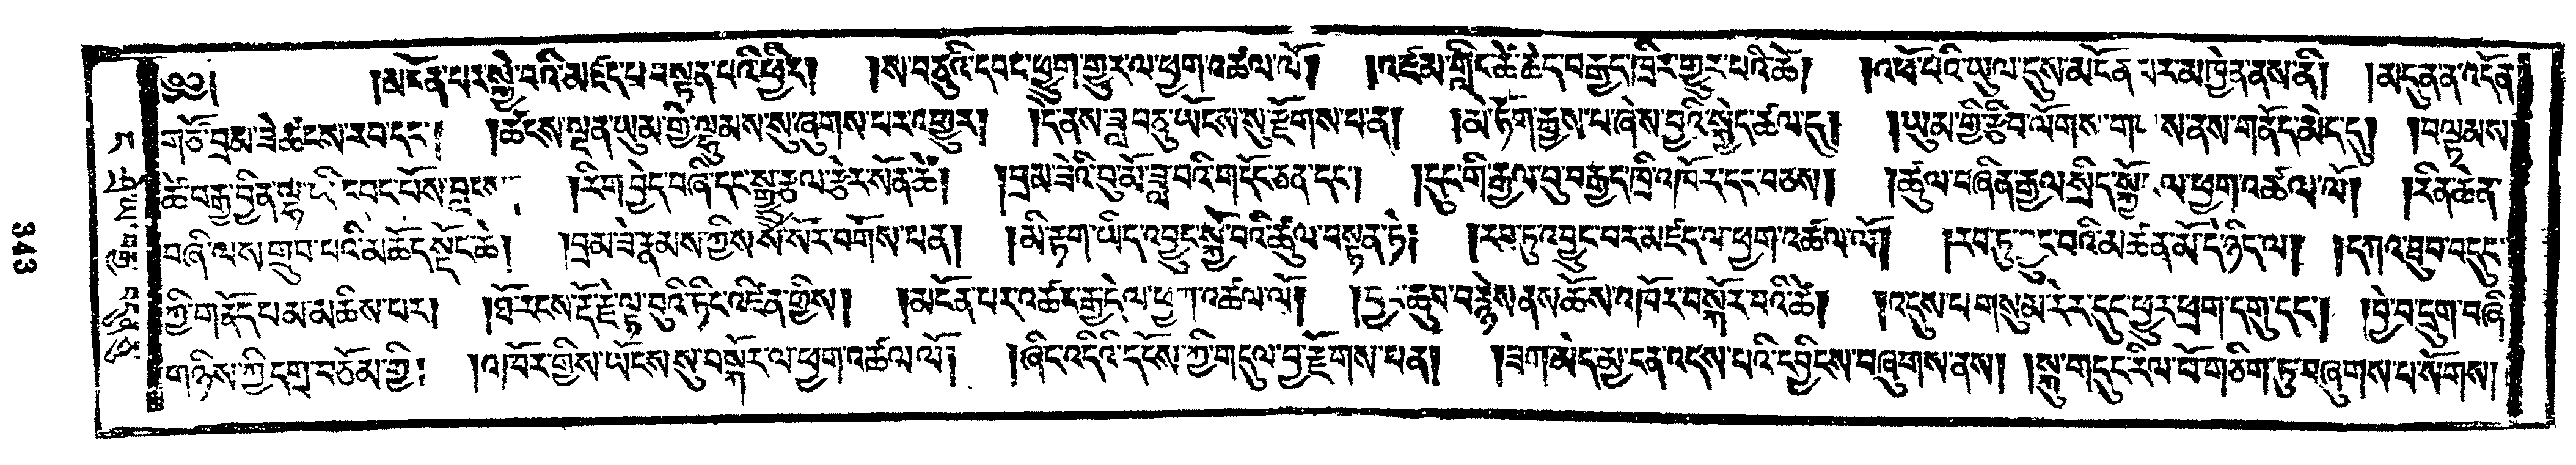༄༅། །མངོན་པར་སྐྱེ་བའི་མཛད་པ་བསྟན་པའི་ཕྱིར། །ས་བཅུའི་དབང་ཕྱུག་གྱུར་ལ་ཕྱག་འཚལ་ལོ། །འཛམ་གླིང་ཚེ་ཆེད་བརྒྱད་ཁྲིར་གྱུར་པའི་ཚེ། །འཕོ་བའི་ཡུལ་དུས་མངོན་པར་མཁྱེན་ནས་ནི། །མདུན་ན་འདོན་
གཙོ་བྲམ་ཟེ་ཚངས་རབ་དང་། །ཚངས་ལྡན་ཡུམ་གྱི་ལྷུམས་སུ་ཞུགས་པར་འགྱུར། །དེ་ནས་ཟླ་བཅུ་ཡོངས་སུ་རྫོགས་པ་ན། །མེ་ཏོག་རྒྱས་པ་ཞེས་བྱའི་སྐྱེད་ཚལ་དུ། །ཡུམ་གྱི་རྩིབ་ལོགས་གཡས་ནས་གནོད་མེད་དུ། །བལྟམས་
ཚེ་བརྒྱ་བྱིན་ལྷ་ཡི་དབང་པོས་བླངས། །རིག་བྱེད་བཞི་དང་སྒྱུ་རྩལ་རྩེར་སོན་ཚེ། །བྲམ་ཟེའི་བུ་མོ་ཟླ་བའི་གདོང་ཅན་དང་། །དུང་གི་རྒྱལ་བུ་བརྒྱད་ཁྲི་འཁོར་དང་བཅས། །ཚུལ་བཞིན་རྒྱལ་སྲིད་སྐྱོང་ལ་ཕྱག་འཚལ་ལོ། །རིན་ཆེན་
བཞི་ལས་གྲུབ་པའི་མཆོད་སྡོང་ཆེ། །བྲམ་ཟེ་རྣམས་ཀྱིས་སོ་སོར་བགོས་པ་ན། །མི་རྟག་ཡིད་འབྱུང་སྐྱོ་བའི་ཚུལ་བསྟན་ཏེ། །རབ་ཏུ་འབྱུང་བར་མཛད་ལ་ཕྱག་འཚལ་ལོ། །རབ་ཏུ་བྱུང་བའི་མཚན་མོ་དེ་ཉིད་ལ། །དཀའ་ཐུབ་བདུད་
ཀྱི་གནོད་པ་མ་མཆིས་པར། །ཐོ་རངས་རྡོ་རྗེ་ལྟ་བུའི་ཏིང་འཛིན་གྱིས། །མངོན་པར་འཚང་རྒྱ་དེ་ལ་ཕྱག་འཚལ་ལོ། །བྱང་ཆུབ་བརྙེས་ནས་ཆོས་འཁོར་བསྐོར་བའི་ཚེ། །འདུས་པ་གསུམ་རེར་དུང་ཕྱུར་ཕྲག་དགུ་དང་། །བྱེ་བ་དྲུག་བཞི་
གཉིས་ཀྱི་དགྲ་བཅོམ་གྱི། །འཁོར་གྱིས་ཡོངས་སུ་བསྐོར་ལ་ཕྱག་འཚལ་ལོ། །ཞིང་འདིའི་དངོས་ཀྱི་གདུལ་བྱ་རྫོགས་པ་ན། །ཟག་མེད་མྱ་ངན་འདས་པའི་དབྱིངས་བཞུགས་ནས། །སྐུ་གདུང་རིལ་པོ་གཅིག་ཏུ་བཞུགས་པ་སོགས།